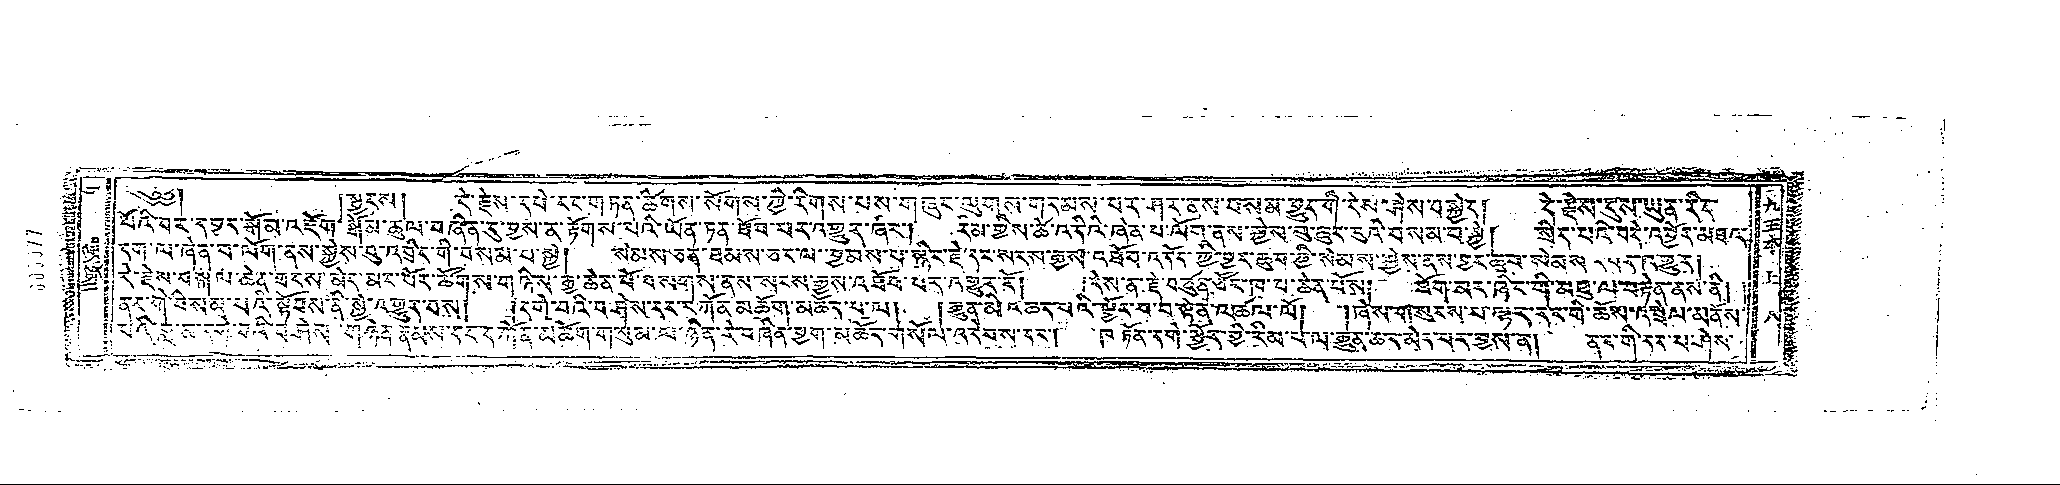༄༅། །སྦྱངས། དེ་རྗེས་དཔེ་དང་གཏན་ཚིགས་སོགས་ཀྱི་རིགས་པས་གཞུང་ལུགས་གདམས་པར་ཤད་ནས་བསམ་བྱུང་གི་ངེས་ཤེས་བསྐྱེད། དེ་རྗེས་དུས་ཡུན་རིང་
པོའི་བར་དཔྱད་སྒོམ་འཇོག་སྒོམ་ཚུལ་བཞིན་དུ་བྱས་ན་རྟོགས་པའི་ཡོན་ཏན་ཐོབ་པར་འགྱུར་ཞིང་། རིམ་གྱིས་ཚེ་འདིའི་ཞེན་པ་ལོག་ནས་སྐྱེས་བུ་ཆུང་ངུའི་བསམ་པ་སྐྱེ། སྲིད་པའི་བདེ་འབྱོར་མཐའ་
དག་ལ་ཞེན་པ་ལོག་ནས་སྐྱེས་བུ་འབྲིང་གི་བསམ་པ་སྐྱེ། སེམས་ཅན་ཐམས་ཅད་ལ་བྱམས་པ་སྙིང་རྗེ་དང་སངས་རྒྱས་འཐོབ་འདོད་ཀྱི་བྱང་ཆུབ་ཀྱི་སེམས་སྐྱེས་ནས་བྱང་ཆུབ་སེམས་དཔར་འགྱུར།
དེ་རྗེས་བསྐལ་ཆེན་གྲངས་མེད་མང་པོར་ཚོགས་གཉིས་རྒྱ་ཆེན་པོ་བསགས་ནས་སངས་རྒྱས་འཐོབ་པར་འགྱུར་རོ། །དེས་ན་རྗེ་བཙུན་ཙོང་ཁ་པ་ཆེན་པོས། ཐོག་མར་ཞིང་གི་མཐུ་ལ་བརྟེན་ནས་ནི། །
ནང་གི་བསམ་པའི་སྟོབས་ནི་སྐྱེ་འགྱུར་བས། །དགེ་བའི་བཤེས་དང་དཀོན་མཆོག་མཆོད་པ་ལ། །རྒྱུན་མི་འཆད་པའི་སྦྱོར་བ་བསྟེན་འཚལ་ལོ། །ཞེས་གསུངས་པ་ལྟར་རང་གི་ཆོས་འདྲེལ་མནོས་
པའི་བླ་མ་དགེ་བའི་བཤེས་གཉེན་རྣམས་དང་དཀོན་མཆོག་གསུམ་ལ་ཉིན་རེ་བཞིན་ཕྱག་མཆོད་གསོལ་འདེབས་དང་། ཁ་ཏོན་དགེ་སྦྱོར་གྱི་རིམ་པ་ལ་རྒྱུན་ཆད་མེད་པར་བྱས་ན། ནང་གི་དད་བ་ཤེས་